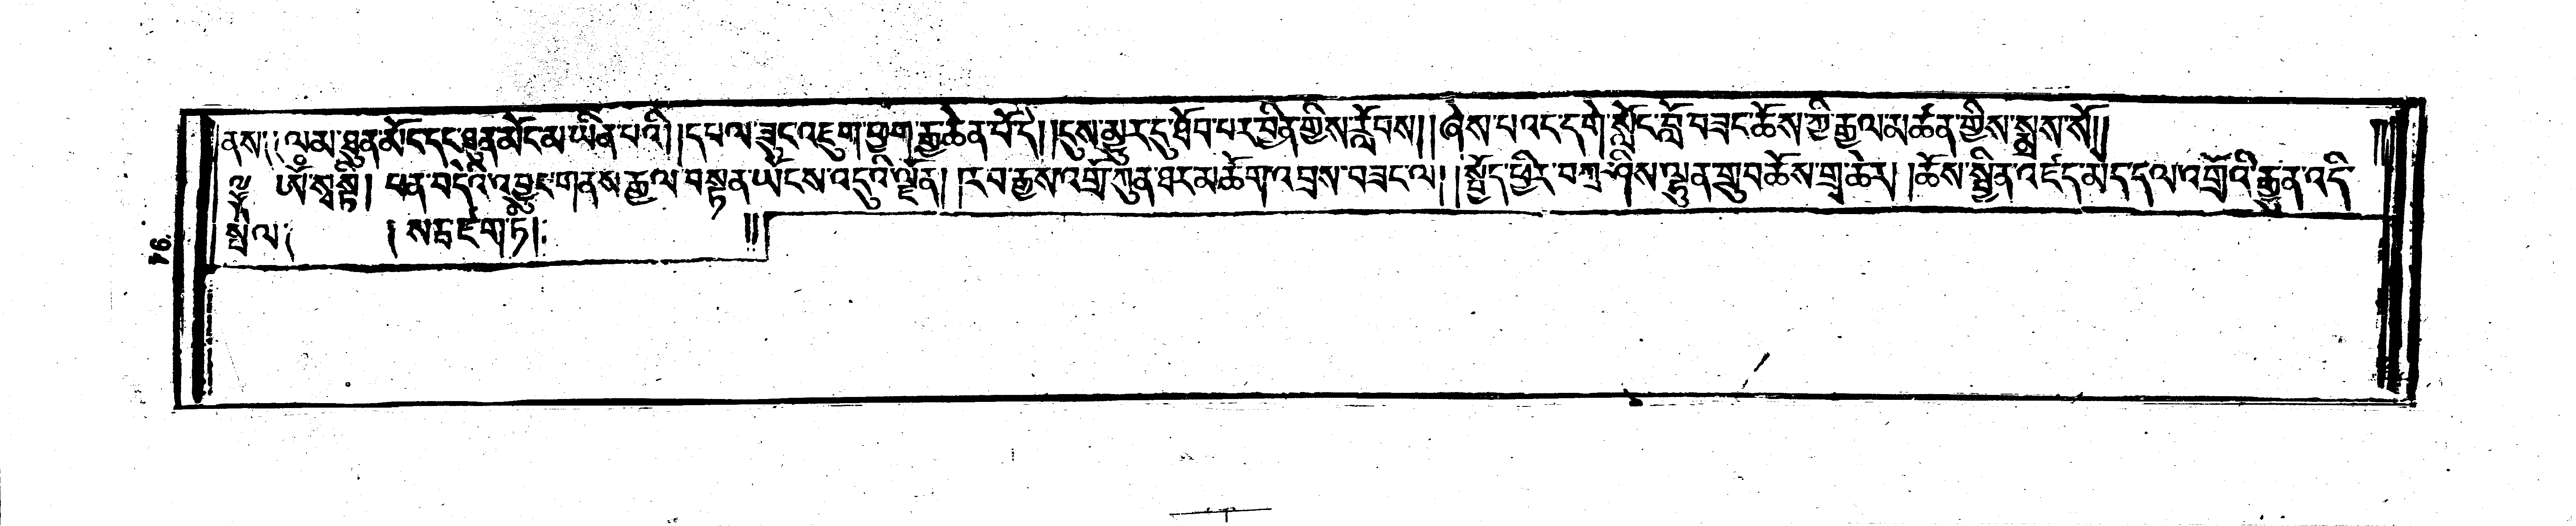ནས། །ལམ་ཐུན་མོང་དང་ཐུན་མོང་མ་ཡིན་པའི། །དཔལ་ཟུང་འཇུག་ཕྱག་རྒྱ་ཆེན་པོ་དེ། །དུས་མྱུར་དུ་ཐོབ་པར་བྱིན་གྱིས་རློབས། །ཞེས་པའང་དགེ་སློང་བློ་བཟང་ཆོས་ཀྱི་རྒྱལ་མཚན་གྱིས་སྨྲས་སོ།།
༈ ཨོཾ་སྭསྟི། ཕན་བདེའི་འབྱུང་གནས་རྒྱལ་བསྟན་ཡོངས་འདུའི་ལྗོན། །རབ་རྒྱས་འགྲོ་ཀུན་ཐར་མཆོག་འབྲང་བཟང་ལ། །སྤྱོད་ཕྱིར་བཀྲ་ཤེས་ལྷུན་གྲུབ་ཆོས་གྲྭ་ཆེར། །ཆོས་སྦྱིན་འཛད་མེད་དལ་འགྲོའི་རྒྱུན་འདི་
སྤེལ། །སརྦ་ཛ་ག་ཏཾ།། །།